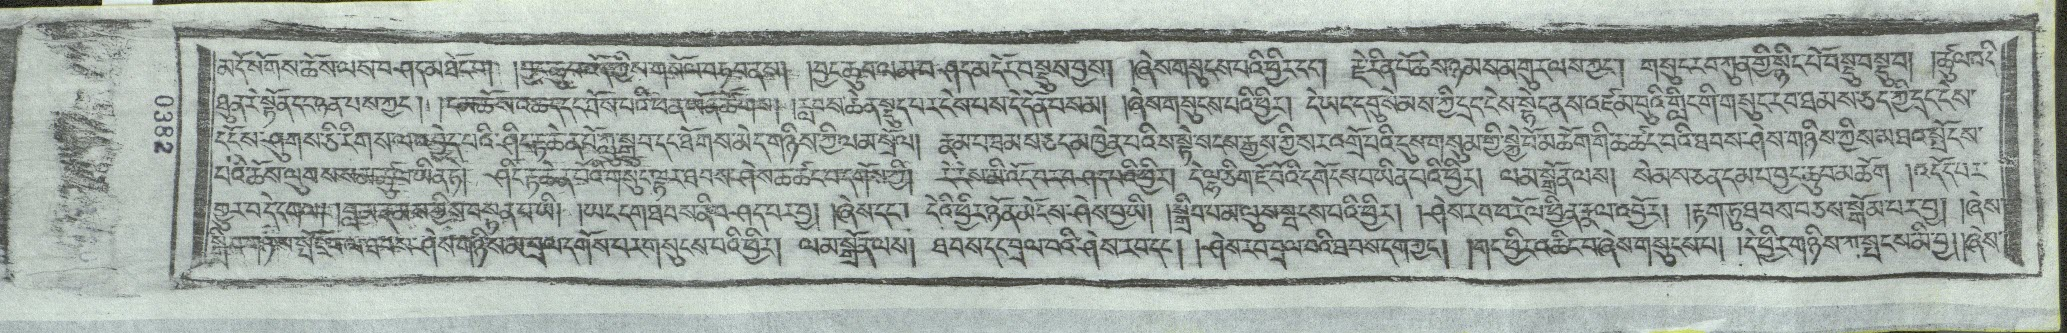མདོ་སོགས་ཆོས་ལས་བཤད་མཐོང་བ། །བྱང་ཆུབ་འོད་ཀྱིས་གསོལ་བཏབ་ནས། །བྱང་ཆུབ་ལམ་བཤད་མདོར་བསྡུས་བྱས། །ཞེས་གསུངས་པའི་ཕྱིར་དང་། རྗེ་རིན་པོ་ཆེས་ཉམས་མགུར་ལས་ཀྱང་། གསུང་རབ་ཀུན་གྱི་སྙིང་པོ་བསྡུ་བསྡུ་བ། །ཚུལ་འདི་
ཐུན་རེ་སྟོན་དང་ཉན་པས་ཀྱང་། །དམ་ཆོས་འཆད་དང་ཐོས་པའི་ཕན་ཡོན་ཚོགས། །རླབས་ཆེན་སྡུད་པར་ངེས་པས་དེ་དོན་བསམ། །ཞེས་གསུངས་པའི་ཕྱིར། དེ་ཡང་དབུ་སེམས་ཀྱི་དྲང་ངེས་སྟེང་ནས་འཛམ་བུའི་གླིང་གི་གསུང་རབ་ཐམས་ཅད་ཀྱི་དྲང་ངེས་
དངོས་ཤུགས་ཅི་རིགས་ལ་འབྱེད་པའི་ཤིང་རྟ་ཆེན་བོ་ཀླུ་སྒྲུབ་དང་ཐོགས་མེད་གཉིས་ཀྱི་ལམ་སྲོལ། རྣམ་པ་ཐམས་ཅད་མཁྱེན་པའི་ས་སྟེ་སངས་རྒྱས་ཀྱི་སར་འགྲོ་བའི་དུས་གསུམ་གྱི་སྐྱེ་བོ་མཆོག་གི་ཆ་ཚང་བའི་ཐབས་ཤེས་གཉིས་ཀྱིས་མཐའ་སྤོངས་
བའི་ཆོས་ལུགས་སམ་ཚུལ་ཡིན་ཏེ། ཤིང་རྟ་ཆེན་པོའི་གསུང་ལྟར་ཐབས་ཤེས་ཆ་ཚང་བ་དགོས་ཀྱི། རེ་རེས་མི་འོང་བར་བཤད་པའི་ཕྱིར། དེ་ལྷ་ཅིག་ཇོ་བོའི་དགོངས་བ་ཡིན་པའི་ཕྱིར། ལམ་སྒྲོན་ལས། སེམས་ཅན་དམ་པ་བྱང་ཆུབ་མཆོག །འདོད་པར་
གྱུར་བ་དེ་དག་ལ། །བླ་མ་རྣམས་ཀྱིས་བསྟན་པ་ཡི། །ཡང་དག་ཐབས་ནི་བཤད་པར་བྱ། །ཞེས་དང་། དེའི་ཕྱིར་ཉོན་མོངས་ཤེས་བྱ་ཡི། །སྒྲིབ་པ་མ་ལུས་སྤངས་པའི་ཕྱིར། །ཤེས་རབ་ཕ་རོལ་ཕྱིན་རྣལ་འབྱོར། །རྟག་ཏུ་ཐབས་བཅས་སྒོམ་པར་བྱ། །ཞེས་
སྒྲིབ་གཉིས་སྤོང་བ་ལ་ཐབས་ཤེས་གཉིས་མ་བྲལ་དགོས་པར་གསུངས་པའི་ཕྱིར། ལམ་སྒྲོན་ལས། ཐབས་དང་བྲལ་བའི་ཤེས་རབ་དང་། །ཤེས་རབ་བྲལ་བའི་ཐབས་དག་ཀྱང་། །གང་ཕྱིར་འཆིང་བ་ཞེས་གསུངས་པ། །དེ་ཕྱིར་གཉིས་ཀ་སྤངས་མི་བྱ། །ཞེས་